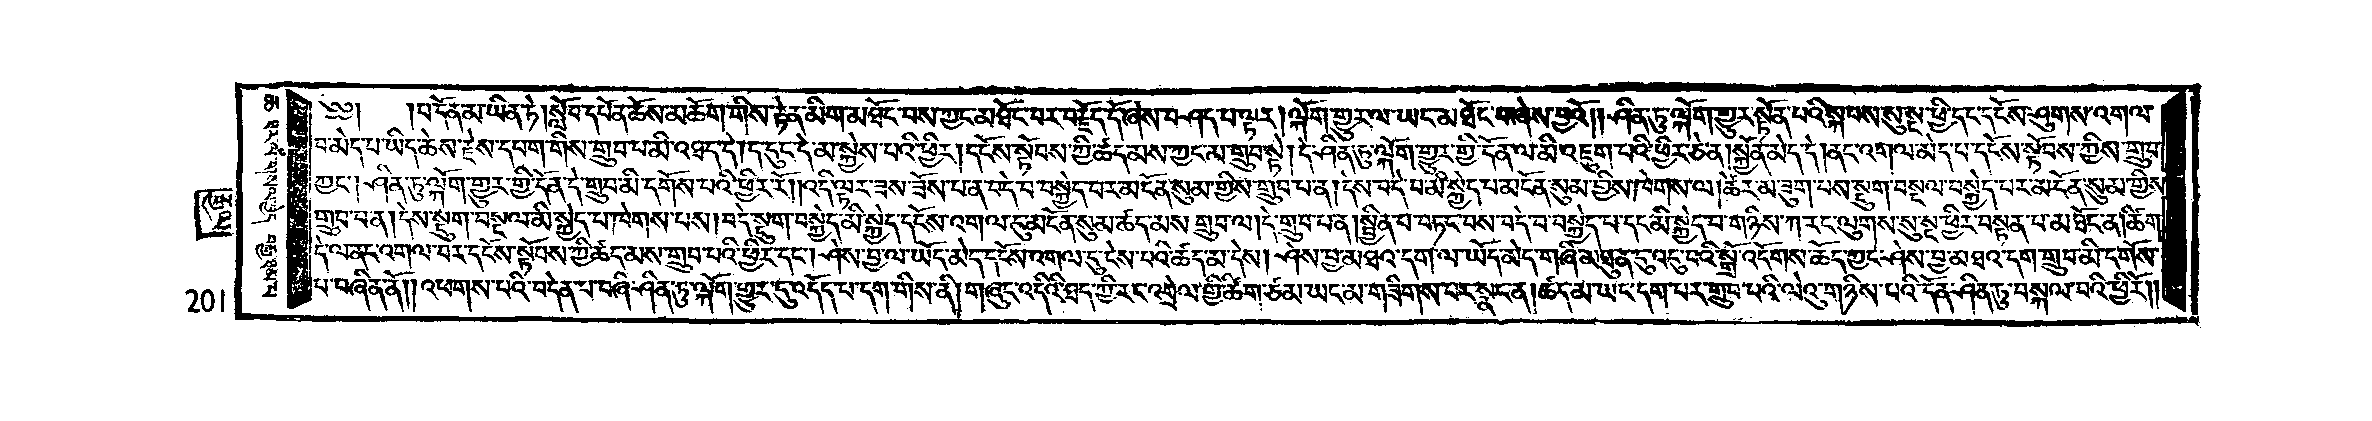༄༅། །པ་དོན་མ་ཡིན་ཏེ། སློབ་དཔོན་ཆོས་མཆོག་གིས་རྟེན་མིག་མཐོང་བས་ཀྱང་མཐོང་བར་བརྗོད་དོ་ཞེས་བཤད་པ་ལྟར། ལྐོག་གྱུར་ལ་ཡང་མཐོང་བ་ཞེས་བྱའོ། །ཤིན་ཏུ་ལྐོག་གྱུར་སྟོན་པའི་སྐབས་སུ་སྔ་ཕྱི་དང་དངོས་ཤུགས་འགལ་
བ་མེད་པ་ཡིད་ཆེས་རྗེས་དཔག་གིས་གྲུབ་པ་མི་འཐད་དེ། ད་དུང་དེ་མ་སྐྱེས་པའི་ཕྱིར། དངོས་སྟོབས་ཀྱི་ཚད་མས་ཀྱང་མ་གྲུབ་སྟེ། དེ་ཤིན་ཏུ་ལྐོག་གྱུར་གྱི་དོན་ལ་མི་འཇུག་པའི་ཕྱིར་ཅེ་ན། སྐྱོན་མེད་དེ། ནང་འགལ་མེད་པ་དངོས་སྟོབས་ཀྱིས་གྲུབ་
ཀྱང་། ཤིན་ཏུ་ལྐོག་གྱུར་གྱི་དོན་དེ་གྲུབ་མི་དགོས་པའི་ཕྱིར་རོ། །འདི་ལྟར་ཟས་ཟོས་པ་ན་བདེ་བ་བསྐྱེད་པར་མངོན་སུམ་གྱིས་གྲུབ་པ་ན། དེས་བདེ་བ་མི་སྐྱེད་པ་མངོན་སུམ་གྱིས་ཁེགས་ལ། ཚེར་མ་ཟུག་པས་སྡུག་བསྔལ་བསྐྱེད་པར་མངོན་སུམ་གྱིས་
གྲུབ་པ་ན། དེས་སྡུག་བསྔལ་མི་སྐྱེད་པ་ཁེགས་པས། བདེ་སྡུག་བསྐྱེད་མི་སྐྱེད་དངོས་འགལ་དུ་མངོན་སུམ་ཚད་མས་གྲུབ་ལ། དེ་གྲུབ་པ་ན། སྦྱིན་པ་བཏང་བས་བདེ་བ་བསྐྱེད་པ་དང་མི་སྐྱེད་པ་གཉིས་ཀ་རང་ལུགས་སུ་སྔ་ཕྱིར་བསྟན་པ་མཐོང་ན། ཚིག་
དེ་ལ་ནང་འགལ་བར་དངོས་སྟོབས་ཀྱི་ཚད་མས་གྲུབ་པའི་ཕྱིར་དང་། ཤེས་བྱ་ལ་ཡོད་མེད་དངོས་འགལ་དུ་ངེས་པའི་ཚད་མ་དེས། ཤེས་བྱ་མཐའ་དག་ལ་ཡོད་མེད་གཞི་མཐུན་དུ་འདུ་བའི་སྒྲོ་འདོགས་ཆོད་ཀྱང་ཤེས་བྱ་མཐའ་དག་གྲུབ་མི་དགོས་
པ་བཞིན་ནོ། །འཕགས་པའི་བདེན་པ་བཞི་ཤིན་ཏུ་ལྐོག་གྱུར་དུ་འདོད་པ་དག་གིས་ནི། གཞུང་འདིའི་ཐད་ཀྱི་རང་འགྲེལ་གྱི་ཚིག་ཙམ་ཡང་མ་གཟིགས་པར་སྣང་ན། ཚད་མ་ཡང་དག་པར་གྲུབ་པའི་ལེའུ་གཉིས་པའི་དོན་ཤིན་ཏུ་བསྐལ་བའི་ཕྱིར་རོ། །